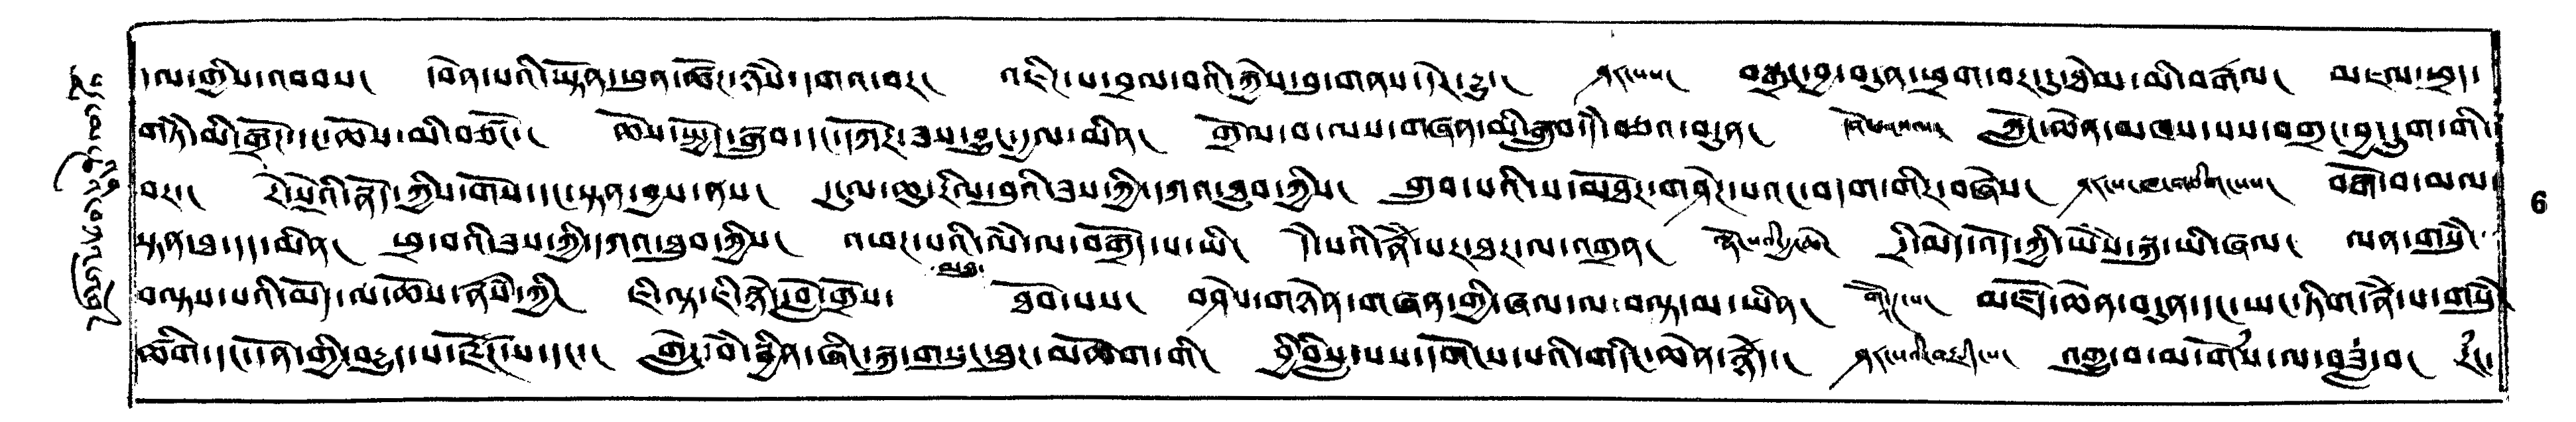དལ་གྱིས་འབབ། །དབེན་པའི་ཡོན་ཏན་ཕུན་ཚོགས་ཉམས་དགའ་བ། །འཇིགས་པ་བྲལ་བའི་སྐྱེས་བུ་གནས་དེར་རྒྱུ། ། ཤར་པས། བགྲང་བྱ་བདུན་ཕྲག་བར་དུ་ཐེམ་མི་བརྒལ། །མཇལ་ཕྲད་
གཏམ་མི་སྒྲོགས་དང་ཆོས་མི་བཙོང་། །ཆོས་སྤྱོད་སྒྲུབ་དང་དཀོར་ཟས་བྱུང་རྒྱལ་མིན། །གྲོལ་བ་ལས་གཞན་མི་སྒྲུབ་དམ་བཅའ་བདུན། ། དོན་གསལ། ཀློང་ཆེན་མཁས་པས་བགྲང་བྱ་དྲུག་གི་
བར། །རེ་ལྡཻའི་སྣོད་ཀྱིས་གོས་དང་སྟན་བྱས་ནས། །དངུལ་ཆུ་རིལ་བུའི་ཟས་ཀྱི་དཀའ་ཐུབ་ཀྱིས། །གྲུབ་པའི་ས་མཐོར་གཤེགས་པའང་བདག་གིར་བཞེས། ། ཤར་པ་ཁ་གཅིག་པས། བསྒོ་བ་མལ་
སྟན་ཐ་དད་མིན། །ཕྲ་བའི་ཟས་ཀྱི་དཀའ་ཐུབ་ཀྱིས། །འཕགས་པའི་ལམ་ལ་བསྒྲོད་པ་ཡི། ། དམ་པའི་རྣམ་པར་ཐར་ལ་འགྲན། ། ལྷོ་པའི་རྒྱ་ཆེ། དྲི་མེད་འོད་ཀྱི་ཡེ་ཤེས་སྐུ་ཡི་ཞལ། །ལན་གསུམ་
བལྟས་པའི་མོད་ལ་ཆོས་རྣམས་ཀྱི། །ཇི་ལྟ་ཇི་སྙེད་བློ་གྲོས་མཐུ་ཐོབ་པས། །བཤེས་གཉེན་གཞན་གྱི་ཞལ་ལ་བལྟ་མ་ཡིན། ། གཽ་ཌཱ་པ། །མཛོད་ཆེན་བདུན་དང་ཡང་ཏིག་རྣམ་པ་གསུམ། ། 
ཚིག་དང་དོན་གྱི་བརྒྱུད་པ་རྫོགས་པ་དང་། གླེགས་བམ་སྦྱིན་ཞིང་སྐུ་གསུང་ཐུགས་མཆོག་གི །བྱིན་གྱིས་རླབས་པས་དགོངས་པའི་གདིང་ཆེན་རྙེད། ། ཤར་པའི་བརྗིད་པ། འགྱུར་བ་མ་གོས་ལ་བཟླ་བ། །རང་